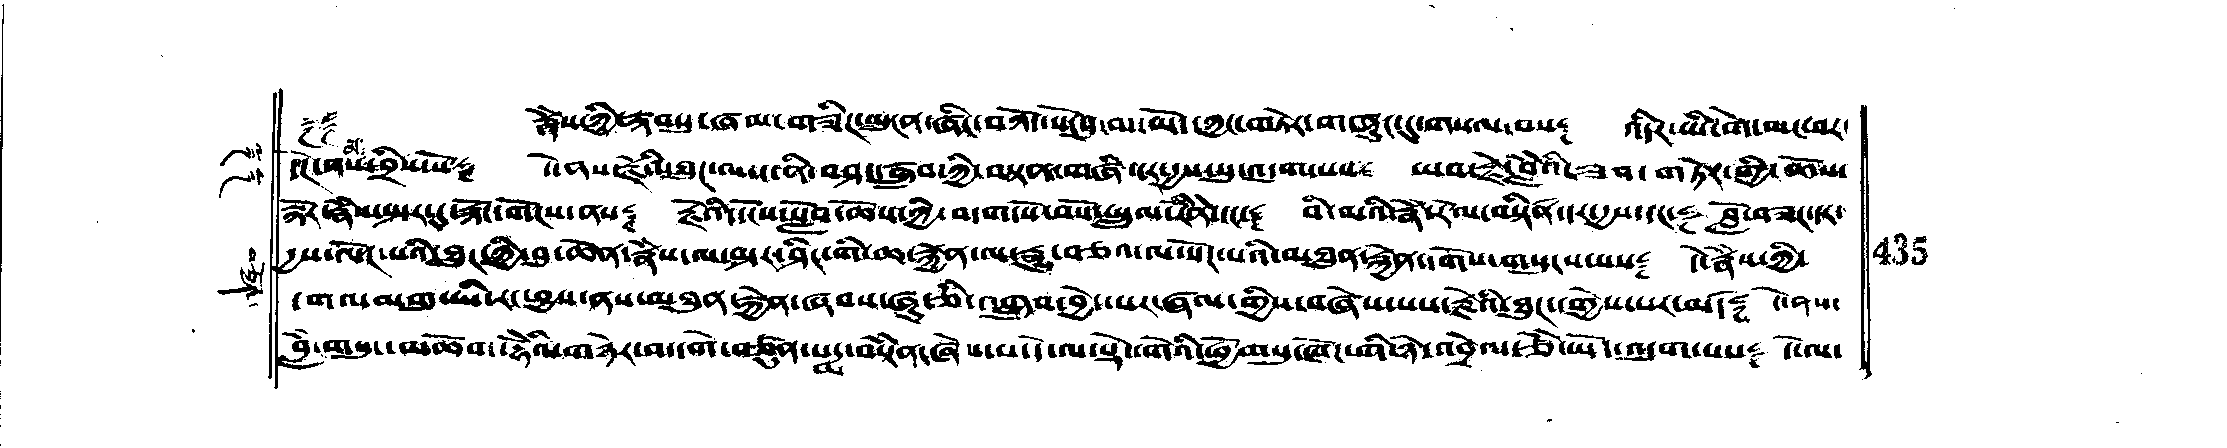རྣམས་ཀྱི་སྐབས་སུ་ཞལ་གཟིགས་ལུང་བསྟན་ཞིང་བཀོད་སོགས་དུ་མ་ཡོད་ཀྱང་གཏེར་གཞུང་དུ་གསལ་བས། འདིར་ཡི་གེ་མང་བར་
དོགས་ནས་མ་བྲིས་སོ། དེ་ནས་རྗེ་ཡི་ཐུགས་ལ་ད་ནི་བཤད་སྒྲུབ་ཀྱི་བསྟན་གཞི་དར་རྒྱས་སུ་འདུག་པས། ཡབ་རྗེ་བླ་མའི་ཟབ་གཏེར་གྱི་ཆོས་
སྐོར་རྣམས་སྤར་དུ་རྐོ་དགོངས་ནས། རྗེའི་དངོས་སློབ་ཆོས་ཀྱི་བདག་པོ་བསོ་སྤྲུལ་རིན་པོ་ཆེ་དང་། བི་མའི་རྣམ་རོལ་བསྟན་འཛིན་དར་རྒྱས་དང་། བློ་བཟང་དར་
རྒྱས་ལ་སོགས་པའི་ཐུགས་ཀྱི་བུ་ཆེན་རྣམས་ལ་སྤར་ཤིང་གི་ཆ་རྐྱེན་ལ་རྒྱུ་བཅའ་ལ་སོགས་པའི་མཐུན་རྐྱེན་དགོས་གསུངས་པས། དེ་རྣམས་ཀྱི་
དགའ་མགུ་ཡི་རང་བྱས་ནས་མཐུན་རྐྱེན་ཞབས་ཞུ་ཅི་འགྲུབ་བྱེད་པར་ཞལ་གྱིས་བཞེས་པས་རྗེའི་ཐུགས་དགྱེས་པར་མཛད། དེ་ནས་
བླ་མ་གསུང་མཆོག་རྡོ་རྗེའི་གཉེར་པ་དགེ་བཙུན་པདྨ་བསམ་གཏན་ཞེས་པ་དེ་ལ་སྡེ་དགེའི་ཕྱོགས་སུ་ཁོང་གི་ཉེ་འབྲེལ་ཙམ་ཡོད་འདུག་པས། དེ་ལ་